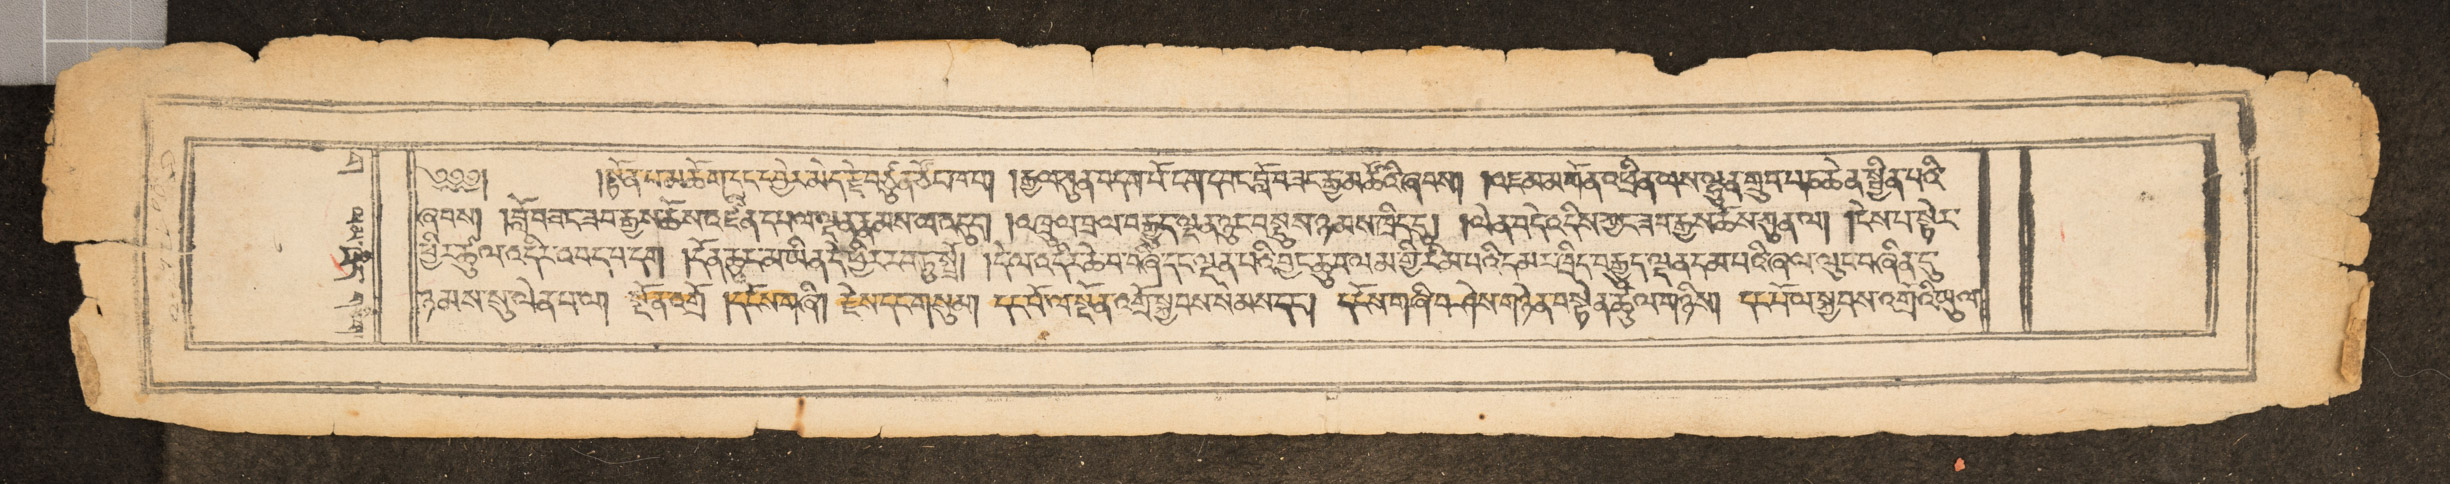༄༅༅། །སྟོན་པ་མཆོག་དང་དབྱེར་མེད་རྗེ་བཙུན་ཙོང་ཁ་པ། །རྒྱལ་ཀུན་བདག་པོ་ངག་དབང་བློ་བཟང་རྒྱ་མཚོའི་ཞབས། །འཇམ་མགོན་འཕྲིན་ལས་ལྷུན་གྲུབ་པཎ་ཆེན་སྦྱིན་པའི་
ཞབས། །བློ་བཟང་ཟབ་རྒྱས་ཆོས་འཛིན་དཔལ་ལྡན་རྣམས་ལ་འདུད། །འཁྲུལ་བྲལ་བརྒྱུད་ལྡན་ཉུང་བསྡུས་ཉམས་ཁྲིད་དུ། །ལེན་བདེ་འདིས་ཀྱང་ཟབ་རྒྱས་ཆོས་ཀུན་ལ། །ངེས་པ་སྟེར་
ཕྱིར་ཚུལ་འདིར་འབད་པ་དག །དོན་ཆུང་མ་ཡིན་དེ་ཕྱིར་རབ་ཏུ་སྤྲོ། །དེ་ལ་འདིར་ཆེ་བ་བཞི་དང་ལྡན་པའི་བྱང་ཆུབ་ལམ་གྱི་རིམ་པའི་དམར་ཁྲིད་བརྒྱུད་ལྡན་དམ་པའི་ཞལ་ལུང་བཞིན་དུ་
ཉམས་སུ་ལེན་པ་ལ། སྔོན་འགྲོ་།དངོས་གཞི། རྗེས་དང་གསུམ། དང་པོ་ལ་སྔོན་འགྲོ་སྐྱབས་སེམས་དང་། དངོས་གཞི་བཤེས་གཉེན་བསྟེན་ཚུལ་གཉིས། དང་པོ་ལ་སྐྱབས་འགྲོའི་ཡུལ་